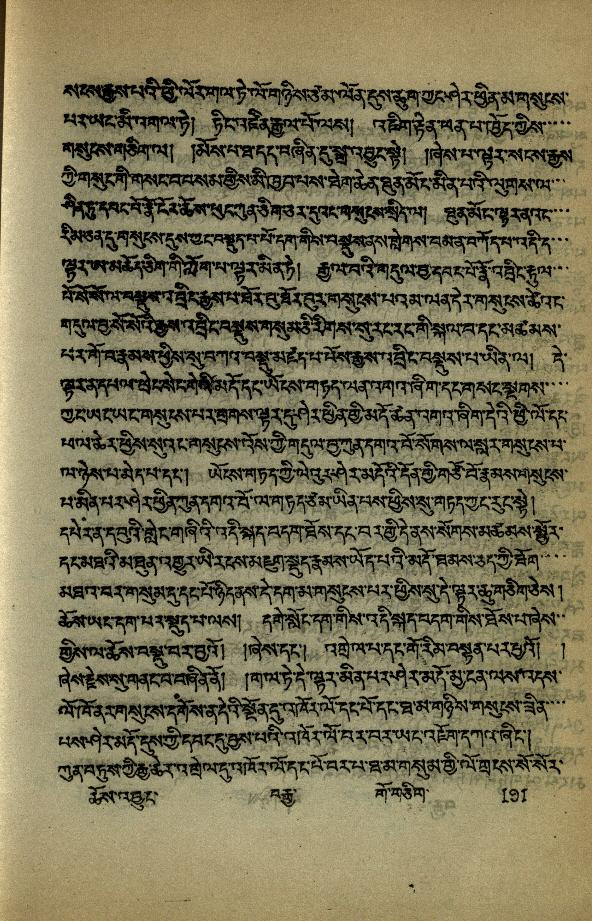སངས་རྒྱས་པའི་ཕྱི་ལོར་གལ་ཏེ་ལོ་གཉིས་ཙམ་ལོན་དུས་ཆུག་ཀྱང་ཤེར་ཕྱིན་མ་གསུངས་
པར་ཡང་མི་འགལ་ཏེ། ཏིང་འཛིན་རྒྱལ་པོ་ལས། འཇིག་རྟེན་ཕན་པ་ཁྱོད་ཀྱིས་
གསུངས་གཅིག་ལ། །མོས་པ་ཐ་དད་བཞིན་དུ་སྒྲ་འབྱུང་སྟེ། །ཞེས་པ་ལྟར་སངས་རྒྱས་
ཀྱི་གསུང་གི་གསང་བ་བསམ་གྱིས་མི་ཁྱབ་པས་ཐེག་ཆེན་ཐུན་མོང་མིན་པའི་ལུགས་ལ་
ཤིན་ཏུ་དབང་པོ་རྣོ་ངོར་ཆོས་ཕུང་ཀུན་ཅིག་ཅར་དུའང་གསུངས་སྲིད་ལ། ཐུན་མོང་ལྟར་ནའང་
རིམ་ཅན་དུ་གསུངས་དུས་ཀྱང་བསྡུད་པ་པོ་དག་གིས་བསྡུས་ནས་གླེགས་བམ་ན་བཀོད་པ་འདི་ད་
ལྟར་ཨ་མཆོད་ཅིག་གི་ཀློག་པ་ལྟར་མིན་ཏེ། རྒྱལ་བའི་གདུལ་བྱ་དབང་པོ་རྣོ་འབྲིང་རྟུལ་
པོ་སོ་སོ་ལ་བསྡུས་འབྲིང་རྒྱས་པ་ཐོར་བུ་ཐོར་བུར་གསུངས་པའམ་ལན་དེར་གསུངས་ཚེའང་
གདུལ་བྱ་སོ་སོའི་རྒྱས་འབྲིང་བསྡུས་གསུམ་ཅི་རིགས་སུ་རང་རང་གི་སྐལ་བ་དང་མཚམས་
པར་གོ་བ་རྣམས་ཕྱིས་སུ་བཀའ་བསྡུ་མཛད་པ་པོས་རྒྱས་འབྲིང་བསྡུས་པ་ཡིན་ལ། དེ་
ལྟར་ན་དཔལ་ཕྲེང་སེངྒེའི་མདོ་དང་ཡོངས་གཏད་ལན་འགའ་ཞིག་དང་གསང་སྔགས་
ཀྱང་ཡང་ཡང་གསུངས་པར་གྲགས་ལྟར་དུ་ཤེར་ཕྱིན་གྱི་མདོ་ཚན་འགའ་ཞིག་དེའི་ཕྱི་ལོ་དང་
ཕལ་ཆེར་ཕྱིས་སུའང་གསུངས་འོས་ཀྱི་གདུལ་བྱ་ཀུན་དགའ་བོ་སོགས་ལ་སླར་གསུངས་པ་
ལ་ཉེས་པ་མེད་པ་དང་། ཡོངས་གཏད་ཀྱི་ལེའུར་ཤེར་མདོའི་དོན་གྱི་གཙོ་བོ་རྣམས་གསུངས་
པ་མིན་པར་ཤེར་ཕྱིན་ཀུན་དགའ་བོ་ལ་གཏད་ཙམ་ཡིན་པས་ཕྱིས་སུ་གཏད་ཀྱང་རུང་སྟེ།
དཔེར་ན་དབུའི་གླེང་གཞིའི་འདི་སྐད་བདག་ཐོས་དང་བར་གྱི་དེ་ནས་སོགས་མཚམས་སྦྱོར་
དང་མཐའི་མཐུན་འགྱུར་ཡི་རངས་མཇུག་སྡུད་རྣམས་ཡོད་པའི་མདོ་ཐམས་ཅད་ཀྱི་ཐོག་
མཐའ་བར་གསུམ་དུ་དང་པོ་ཉིད་ནས་དེ་དག་མ་གསུངས་པར་ཕྱིས་སུ་དེ་ལྟར་ཆུ་གཅིག་ཅེས།
ཆོས་ཡང་དག་པར་སྡུད་པ་ལས། དགེ་སློང་དག་གིས་འདི་སྐད་བདག་གིས་ཐོས་པ་ཞེས་
གྱིས་ལ་ཆོས་བསྡུ་བར་བྱའོ། །ཞེས་དང་། འགྲེལ་པ་དང་གོ་རིམ་བསྟན་པར་བྱའོ། །
ཞེས་རྗེས་སུ་གནང་བ་བཞིན་ནོ། །གལ་ཏེ་དེ་ལྟར་མིན་པར་ཤེར་མདོ་མྱ་ངན་ལས་འདས་
ལོ་ཁོ་ནར་གསུངས་དགོས་ན་དེའི་སྔོན་དུ་འཁོར་ལོ་དང་པོ་དང་ཐ་མ་གཉིས་གསུངས་ཟིན་
པས་ཤེར་མདོ་དུས་ཀྱི་དབང་དུ་བྱས་པའི་འཁོར་ལོ་བར་བར་ཡང་འཇོག་དཀའ་ཞིང་།
ཀུན་བཏུས་ཀྱི་རྒྱ་ཆེར་འགྲེལ་དུ་འཁོར་ལོ་དང་པོ་བར་པ་ཐ་མ་གསུམ་གྱི་ལོ་གྲངས་སོ་སོར་